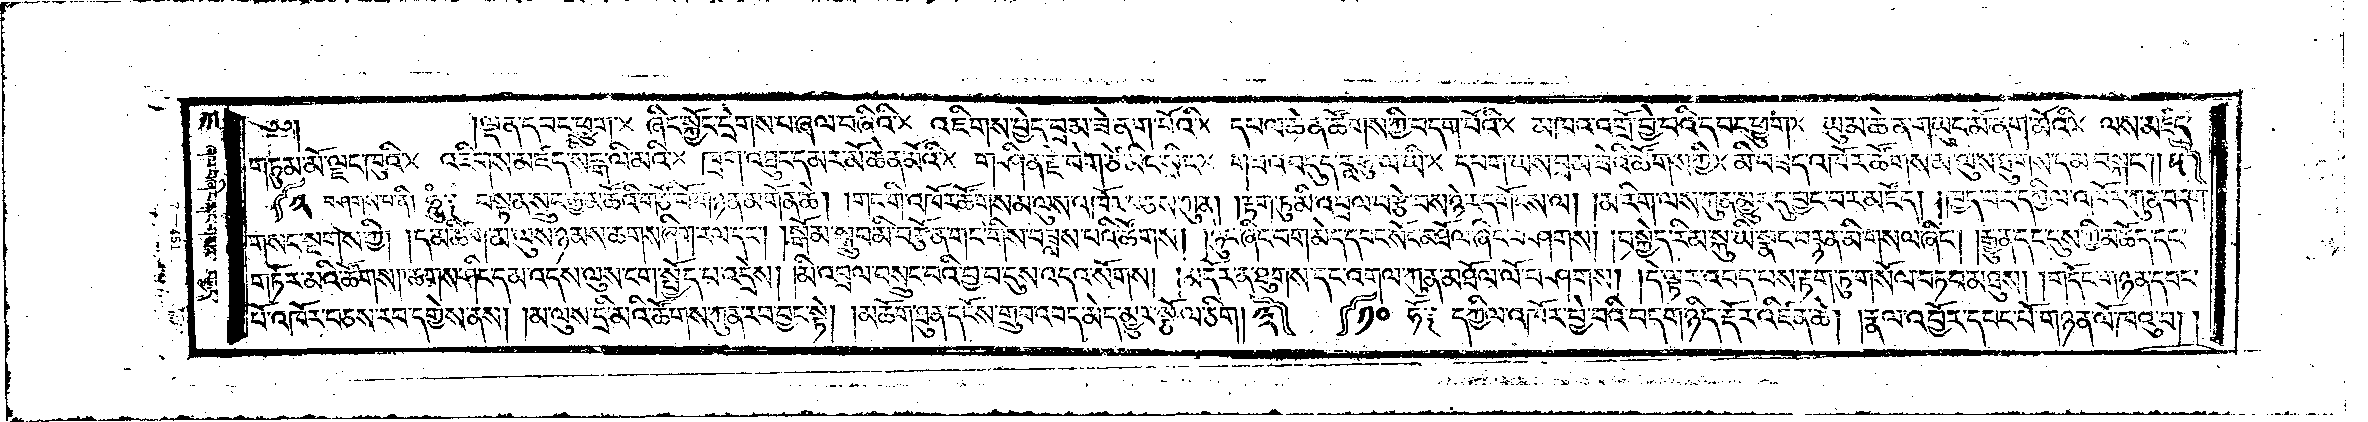༄༅། །ལྡན་དབང་ཕྱུག་྾་ཞིང་སྐྱོང་དྲེགས་པ་ཞལ་བཞིའི་྾་འཇིགས་བྱེད་བྲམ་ཟེ་ནག་པོའི་྾་དཔལ་ཆེན་ཚོགས་ཀྱི་བདག་པོའི་྾་མཁའ་འགྲོ་བྱེ་བའི་དབང་ཕྱུག་྾་ཡུམ་ཆེན་གཡུང་མོ་ནག་མོའི་྾་ལས་མཛད་
གཏུམ་མོ་ལྗང་ཁུའི་྾་འཇིགས་མཛད་སིངྒ་ལི་མའི་྾་ཁྲག་འཐུང་དམར་མོ་ཆེན་མོའི་྾་གཤིན་རྗེ་བེག་ཙེ་མིང་སྲིང་྾་གཟའ་བདུད་རཱ་ཧུ་ལ་ཡི་྾་དཔག་ཡས་བྲམ་ཟེའི་ཚོགས་ཀྱི་྾་མི་བཟད་འཁོར་ཚོགས་མ་ལུས་ཐུགས་དམ་བསྐང།། ༥༼༽
༼༽༢་བཤགས་པ་ནི། ཧཱུཾ༑  བསྟན་སྲུང་རྒྱ་མཚོའི་གཙོ་བོ་གཉན་མགོན་ཆེ། །གང་གི་འཁོར་ཚོགས་མ་ལུས་འཁོར་བཅས་ཀུན། །རྟག་ཏུ་མི་འབྲལ་བརྩེ་བས་ཉེར་དགོངས་ལ། །མ་རིག་ལས་ཀུན་མྱུར་དུ་བྱང་བར་མཛོད། །ཁྱད་པར་དཀྱིལ་འཁོར་ཀུན་བདག་
གསང་སྔགས་ཀྱི། །དམ་ཚིག་མ་ལུས་ཉམས་ཆགས་ཞིག་རལ་དང་། །སྒོམ་སྒྲུབ་མི་བརྩོན་གང་གིས་བཟླས་པའི་ཚོགས། །ཉུང་ཞིང་བག་མེད་དབང་སོང་མཐོལ་ཞིང་བཤགས། །བསྐྱེད་རིམ་སྐུ་ཡི་སྣང་བརྙན་མི་གསལ་ཞིང་། །རྒྱུན་དང་དུས་ཀྱི་མཆོད་དང་
གཏོར་མའི་ཚོགས། །ཆགས་ཤིང་དམ་འདས་ལུས་ངག་སྤྱོད་པ་འདྲེས། །མི་འབྲལ་བསྲུང་བའི་བྱ་བ་དུས་འདའ་སོགས། །མདོར་ན་ཐུགས་དང་འགལ་ཀུན་མཐོལ་ལོ་བཤགས། །དེ་ལྟར་འབད་བས་རྟག་ཏུ་གསོལ་བཏབ་མཐུས། །གདོང་གཉན་དབང་
པོ་འཁོར་བཅས་རབ་དགྱེས་ནས། །མ་ལུས་དྲི་མའི་ཚོགས་ཀུན་རབ་བྱང་སྟེ། །མཆོག་ཐུན་དངོས་གྲུབ་འབད་མེད་མྱུར་སྩོལ་ཅིག། ༣༼༽ ༼༽༡༠་ཧོ༑ དཀྱིལ་འཁོར་བྱེ་བའི་བདག་ཉིད་རྡོར་འཛིན་ཆེ། །རྣལ་འབྱོར་དབང་པོ་གཉན་ལོ་ཁའུ་པ། །